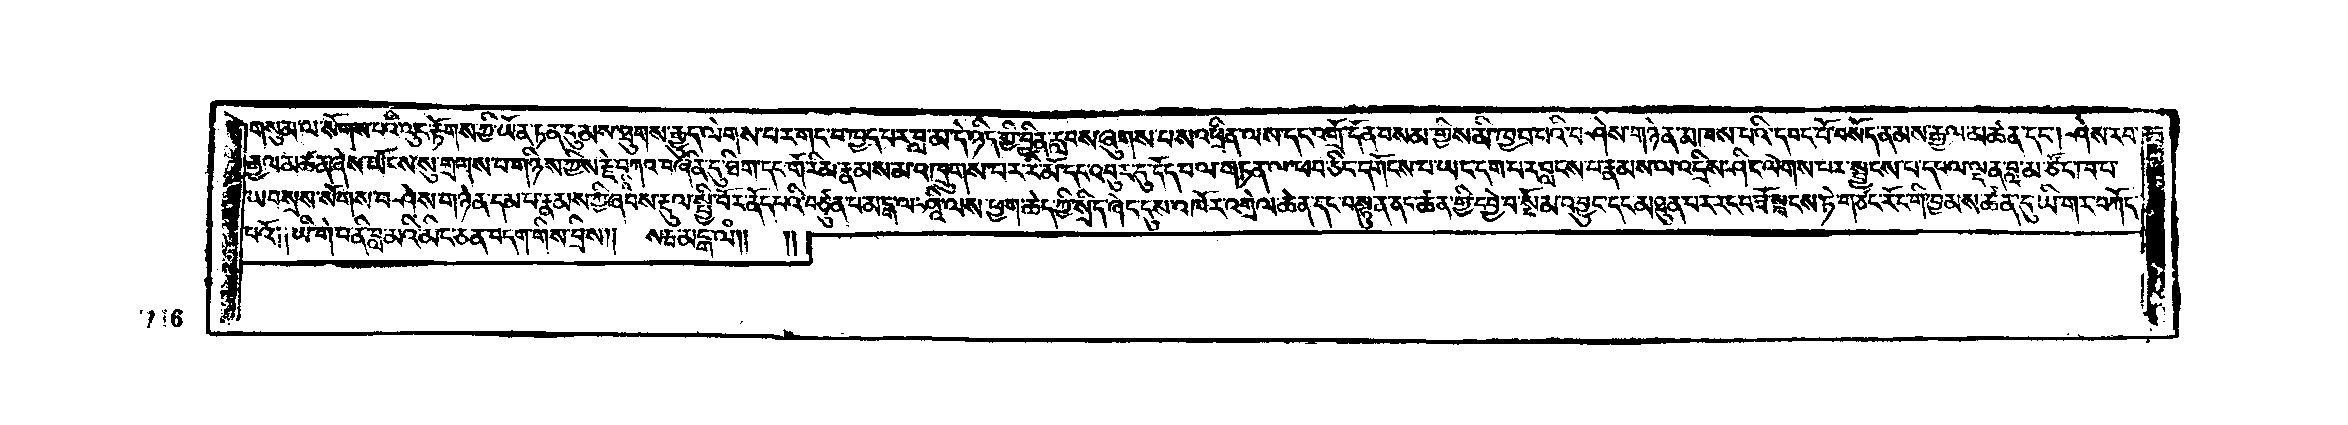གསུམ་ལ་སོགས་པའི་ལུང་རྟོགས་ཀྱི་ཡོན་ཏན་དུ་མས་ཐུགས་རྒྱུད་ལེགས་པར་གང་བ་ཁྱད་པར་བླ་མ་དེ་ཉིད་ཀྱི་བྱིན་རླབས་ཞུགས་པས་འཕྲིན་ལས་དང་འགྲོ་དོན་བསམ་གྱིས་མི་ཁྱབ་པའི་བཤེས་གཉེན་མཁས་པའི་དབང་པོ་བསོད་ནམས་རྒྱལ་མཚན་དང་། ཤེས་རབ་
རྒྱལ་མཚན་ཞེས་ཡོངས་སུ་གྲགས་པ་གཉིས་ཀྱིས་རྗེ་བཀའ་བཞིན་དུ་ཐིག་དང་གོ་རིམ་རྣམས་མ་འཁྲུགས་པར་རི་མོ་དང་འབུར་དུ་དོད་པ་ལ་གཏན་ལ་ཕབ་ཅིང་དགོངས་པ་ཡང་དག་པར་བླངས་པ་རྣམས་ལ་འདྲིས་ཤིང་ལེགས་པར་སྦྱངས་པ་དཔལ་ལྡན་བླ་མ་ཙོང་ཁ་པ་
ཡབ་སྲས་སོགས་བཤེས་གཉེན་དམ་པ་རྣམས་ཀྱི་ཞབས་རྡུལ་སྤྱི་བོར་ནོད་པའི་བཙུན་པ་མངྒ་ལ་ཤཱི་ལས་ཕྱག་ཆེན་གྱི་སྲིད་ཞེང་དུས་འཁོར་འགྲེལ་ཆེན་དང་བསྟུན་ནང་ཚན་གྱི་དབྱེ་བ་སྡོམ་འབྱུང་དང་མཐུན་པར་རང་བཟོ་སྤངས་ཏེ་གཙང་རོང་གི་བྱམས་ཚན་དུ་ཡི་གར་བཀོད་
པའོ༑ ༑ཡི་གེ་བ་ནི་བླ་མའི་མིང་ཅན་བདག་གིས་བྲིས།། སརྦ་མངྒ་ལཾ།། །